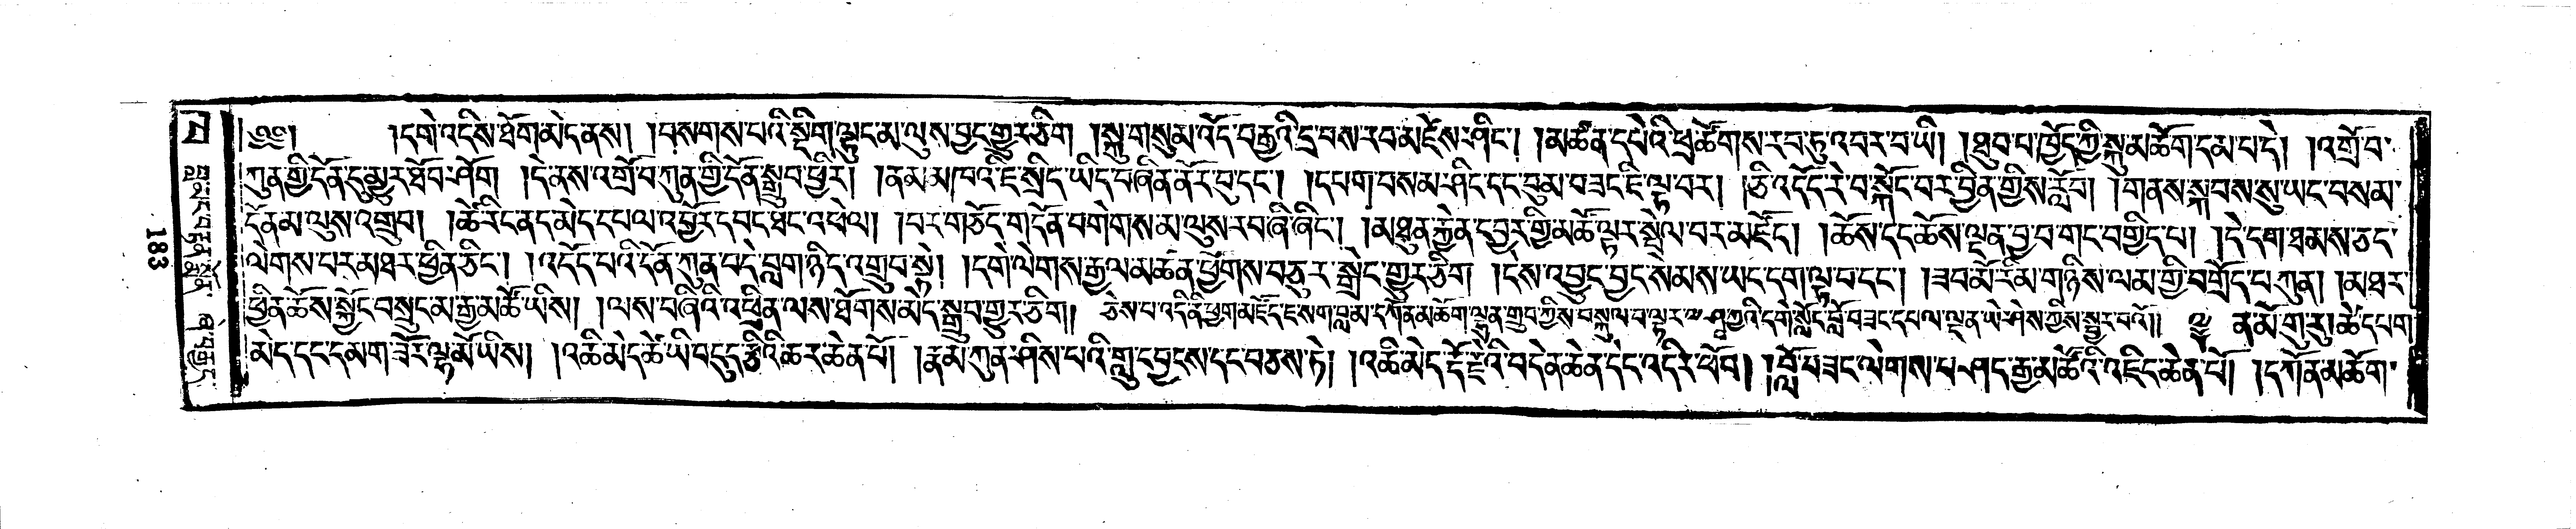༄༅། །དགེ་འདིས་ཐོག་མེད་ནས། །བསགས་པའི་སྡིག་ལྟུང་མ་ལུས་བྱང་གྱུར་ཅིག །སྐུ་གསུམ་འོད་བརྒྱའི་དྲ་བས་རབ་མཛེས་ཤིང་། །མཚན་དཔེའི་ཕྲ་ཚོགས་རབ་ཏུ་འབར་བ་ཡི། །ཐུབ་པ་ཁྱོད་ཀྱི་སྐུ་མཆོག་དམ་པ་དེ། །འགྲོ་བ་
ཀུན་གྱི་དོན་དུ་མྱུར་ཐོབ་ཤོག །དེ་ནས་འགྲོ་བ་ཀུན་གྱི་དོན་སྒྲུབ་ཕྱིར། །ནམ་མཁའི་ཇི་སྲིད་ཡིད་བཞིན་ནོར་བུ་དང་། །དཔག་བསམ་ཤིང་དང་བུམ་བཟང་ཇི་ལྟ་བར། །ཅི་འདོད་རེ་བ་སྐོང་བར་བྱིན་གྱིས་རློབ། །གནས་སྐབས་སུ་ཡང་བསམ་
དོན་མ་ལུས་འགྲུབ། །ཚེ་རིང་ནད་མེད་དཔལ་འབྱོར་དབང་ཐང་འཕེལ། །བར་གཅོད་གདོན་བགེགས་མ་ལུས་རབ་ཞི་ཞིང་། །མཐུན་རྐྱེན་དབྱར་གྱི་མཚོ་ལྟར་སྤྲེལ་བར་མཛོད། །ཆོས་དང་ཆོས་ལྡན་བྱ་བ་གང་བགྱིད་པ། །དེ་དག་ཐམས་ཅད་
ལེགས་པར་མཐར་ཕྱིན་ཅིང་། །འདོད་པའི་དོན་ཀུན་བདེ་བླག་ཉིད་འགྲུབ་སྟེ། །དགེ་ལེགས་རྒྱལ་མཚན་ཕྱོགས་བཅུར་སྒྲེང་གྱུར་ཅིག །དེས་འབྱུང་བྱང་སེམས་ཡང་དག་ལྟ་བ་དང་། །ཟབ་མོ་རིམ་གཉིས་ལམ་གྱི་བགྲོད་པ་ཀུན། །མཐར་
ཕྱིན་ཆོས་སྐྱོང་བསྲུང་མ་རྒྱ་མཚོ་ཡིས། །ལས་བཞིའི་འཕྲིན་ལས་ཐོགས་མེད་སྒྲུབ་གྱུར་ཅིག། ཅེས་པ་འདི་ནི་ཕྱག་མཛོད་ཇ་སག་བླ་མ་དཀོན་མཆོག་ལྷུན་གྲུབ་ཀྱིས་བསྐུལ་བ་ལྟར་༧་ཤཱཀྱའི་དགེ་སློང་བློ་བཟང་དཔལ་ལྡན་ཡེ་ཤེས་ཀྱིས་སྦྱར་བའོ།། ༈ ན་མོ་གུ་རུ། ཚེ་དཔག་
མེད་དང་དམག་ཟོར་ལྷ་མོ་ཡིས། །འཆི་མེད་ཚེ་ཡི་བདུད་རྩིའི་ཆར་ཆེན་པོ། །རྣམ་ཀུན་ཤིས་པའི་གླུ་དབྱངས་དང་བཅས་ཏེ། །འཆི་མེད་རྡོ་རྗེའི་བདེན་ཆེན་དེང་འདིར་ཕོབ། །བློ་བཟང་ལེགས་བཤད་རྒྱ་མཚོའི་འཇིད་ཆེན་པོ། །དཀོན་མཆོག་